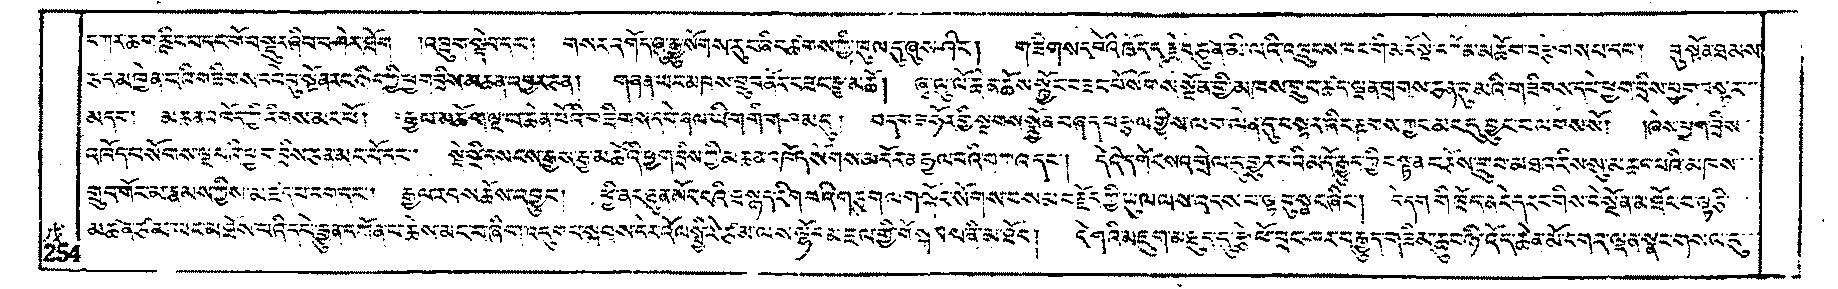དཀར་ཆག་རྙིང་པ་དང་གོ་བསྡུར་ཞིབ་བཤེར་ཐོག །འཁྲུག་སྡེབ་དང་། གསར་འགོད་ཞུ་རྒྱུ་སོགས་རུང་ཞིབ་ཚགས་ཀྱི་ཁུལ་དུ་ཞུས་ཤིང་། གཟིགས་དཔེའི་ཁྲོད་དུ་རྗེ་བཙུན་མི་ལའི་འཁྲུངས་ཁང་གི་མདོ་སྡེ་དཀོན་མཆོག་བརྩེགས་པ་དང་། བུ་སྟོན་ཐམས་
ཅད་མཁྱེན་པའི་གཟིགས་དཔེ་བུ་སྟོན་རང་ཉིད་ཀྱི་ཕྱག་བྲིས་མཆན་འབྱར་ཅན། གཞན་ཡང་མཁས་གྲུབ་ནོར་བཟང་རྒྱ་མཚོ། ཞྭ་ལུ་ལོ་ཆེན་ཆོས་སྐྱོང་བཟང་པོ་སོགས་སྔོན་གྱི་མཁས་གྲུབ་ཚད་ལྡན་གྲགས་ཅན་དུ་མའི་གཟིགས་དཔེ་ཕྱག་བྲིས་ཕྱག་བསྟར་
མ་དང་། མཆན་འཁོད་ཀྱི་རིགས་མང་པོ། ༧རྒྱལ་མཆོག་ལྔ་པ་ཆེན་པོའི་གཟིགས་དཔེ་ཞལ་ཡིག་གི་གཤམ་དུ། བདག་ཟ་ཧོར་གྱི་སྔགས་སྨྱོན་བཞད་པ་རྩལ་གྱིས་ལག་ལེན་དུ་བསྟར་ཞིང་རྟགས་ཀྱང་མང་དུ་བྱུང་བ་ལགས་སོ། །ཞེས་ཕྱག་བྲིས་
འཁོད་པ་སོགས་ལྔ་པའི་ཕྱག་བྲིས་ཅན་མང་པོ་དང་། སྡེ་སྲིད་སངས་རྒྱས་རྒྱ་མཚོའི་ཕྱག་བྲིས་ཀྱི་མཆན་འཁོད་སོགས་མདོར་ན་རྒྱལ་བའི་བཀའ་དང་། དེའི་དགོངས་འགྲེལ་དུ་གྱུར་པའི་མདོ་རྒྱུད་ཀྱི་བསྟན་བཅོས་གྲུབ་མཐའ་རིས་སུ་མཆད་པའི་མཁས་
གྲུབ་གོང་མ་རྣམས་ཀྱིས་མཛད་པ་དག་དང་། རྒྱལ་རབས་ཆོས་འབྱུང་། ཕྱི་ནང་ཐུན་མོང་བའི་ཐ་སྙད་རིག་པའི་གཙུག་ལག་སྐོར་སོགས་བསམ་བརྗོད་ཀྱི་ཡུལ་ལས་འདས་པ་ལྟ་བུ་སྣང་ཞིང་། དེ་དག་གི་ཁྲོད་ན་ངེད་རང་གིས་དེ་སྔོན་མཐོང་བ་ལྟ་ཅི་
མཚན་ཙམ་ཡང་མ་ཐོས་པའི་དཔེ་རྒྱུན་དཀོན་པ་ཆེས་མང་བ་ཞིག་འདུག་པ་སྐབས་དེར་འོལ་སྤྱི་རེ་ཙམ་ལས་ལྷོད་མཇལ་གྱི་གོ་སྐབས་ནི་མ་ཐོབ། དེ་གའི་མཇུག་མཐུད་དུ་རྩེ་ཕོ་བྲང་ཤར་བརྒྱུད་གཟིམ་ཆུང་ཉི་འོད་ཆེན་མོ་དགའ་ལྡན་སྣང་གསལ་དུ་